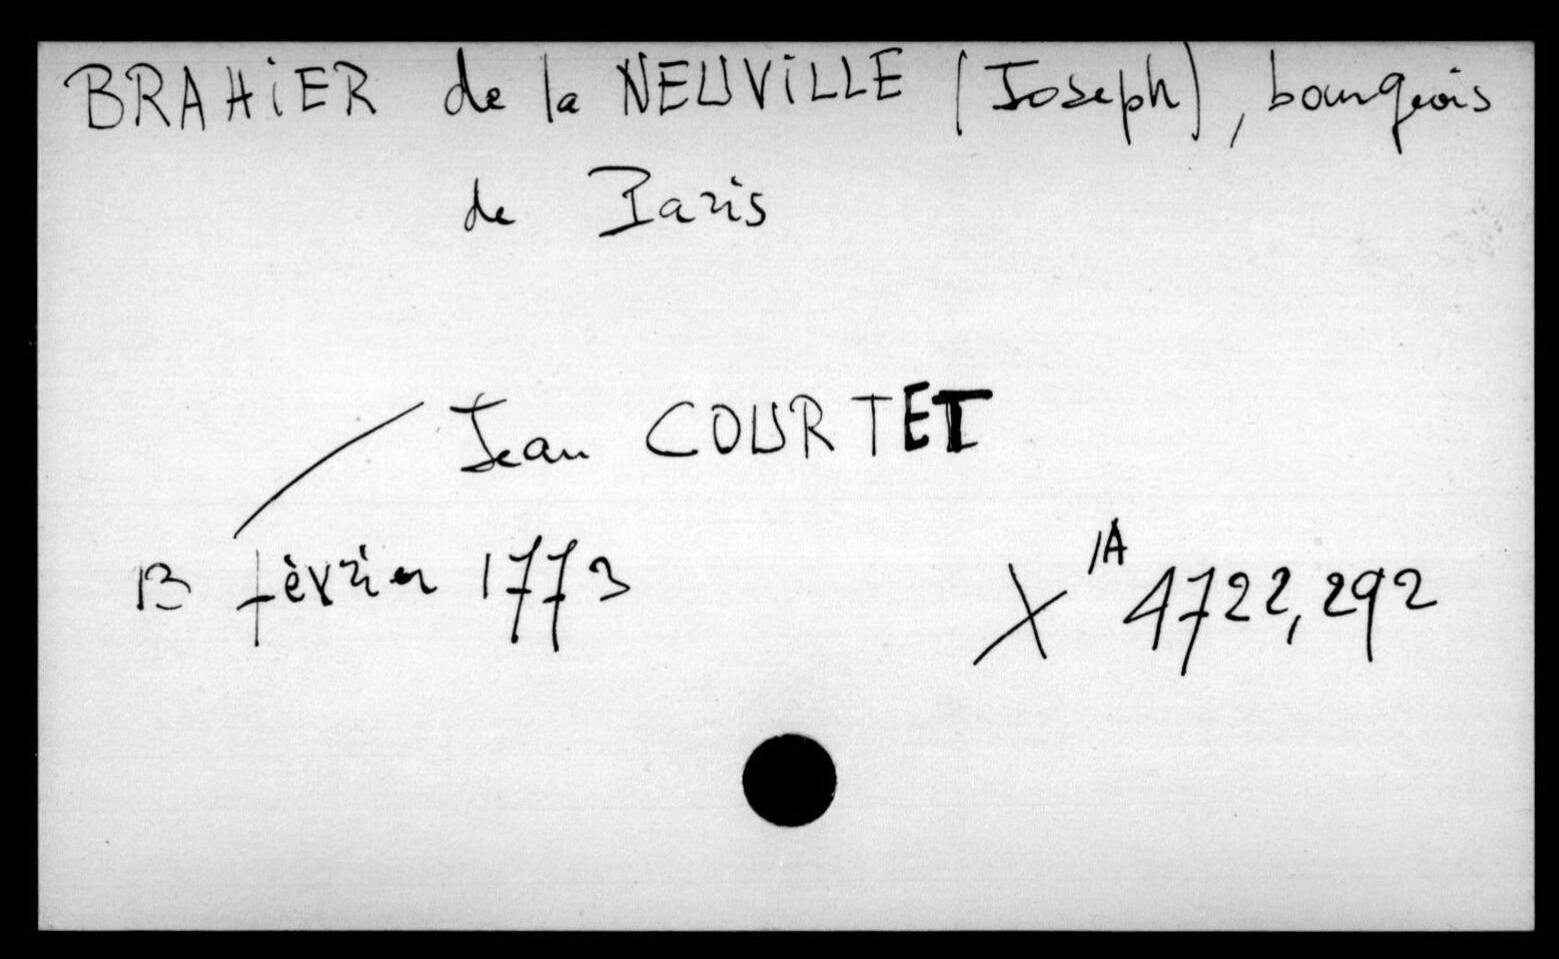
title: BRAHIER de la NEUVILLE (Joseph), bourgeois de Paris
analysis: Contre Jean COURTET
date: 13 février 1773
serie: X1A
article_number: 4722
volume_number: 292
